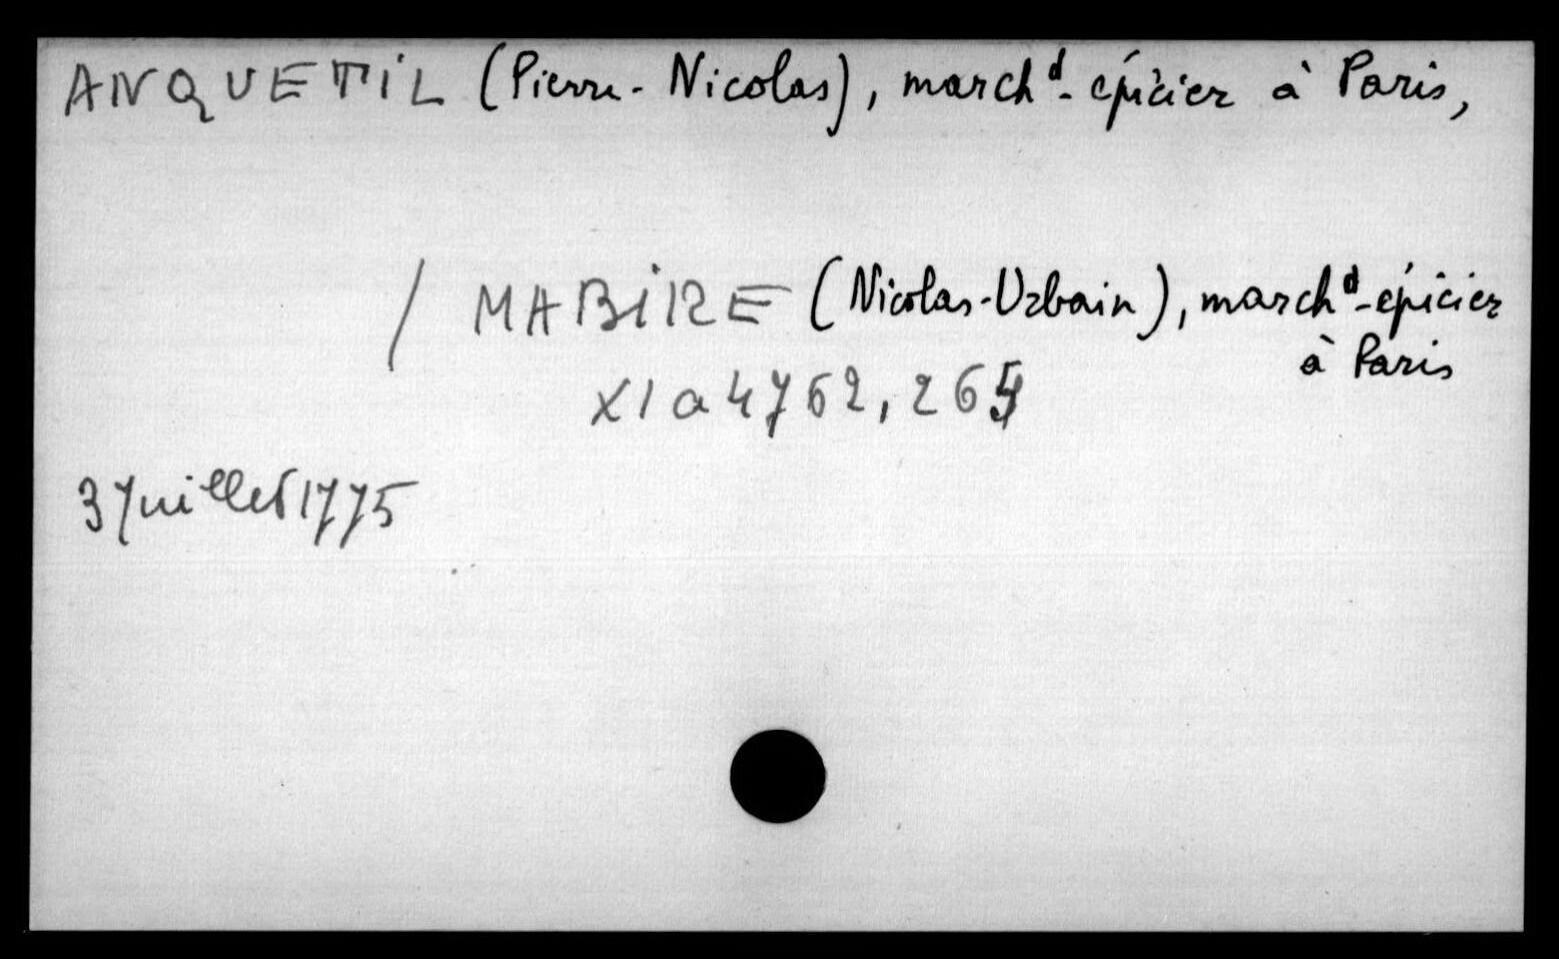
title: ANQUETIL (Pierre-Nicolas), marchand épicier à Paris.
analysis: Contre MABIRE (Nicolas-Urbain), marchand épicier à Paris
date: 3 juillet 1775
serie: X1a
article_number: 4762
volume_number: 265
